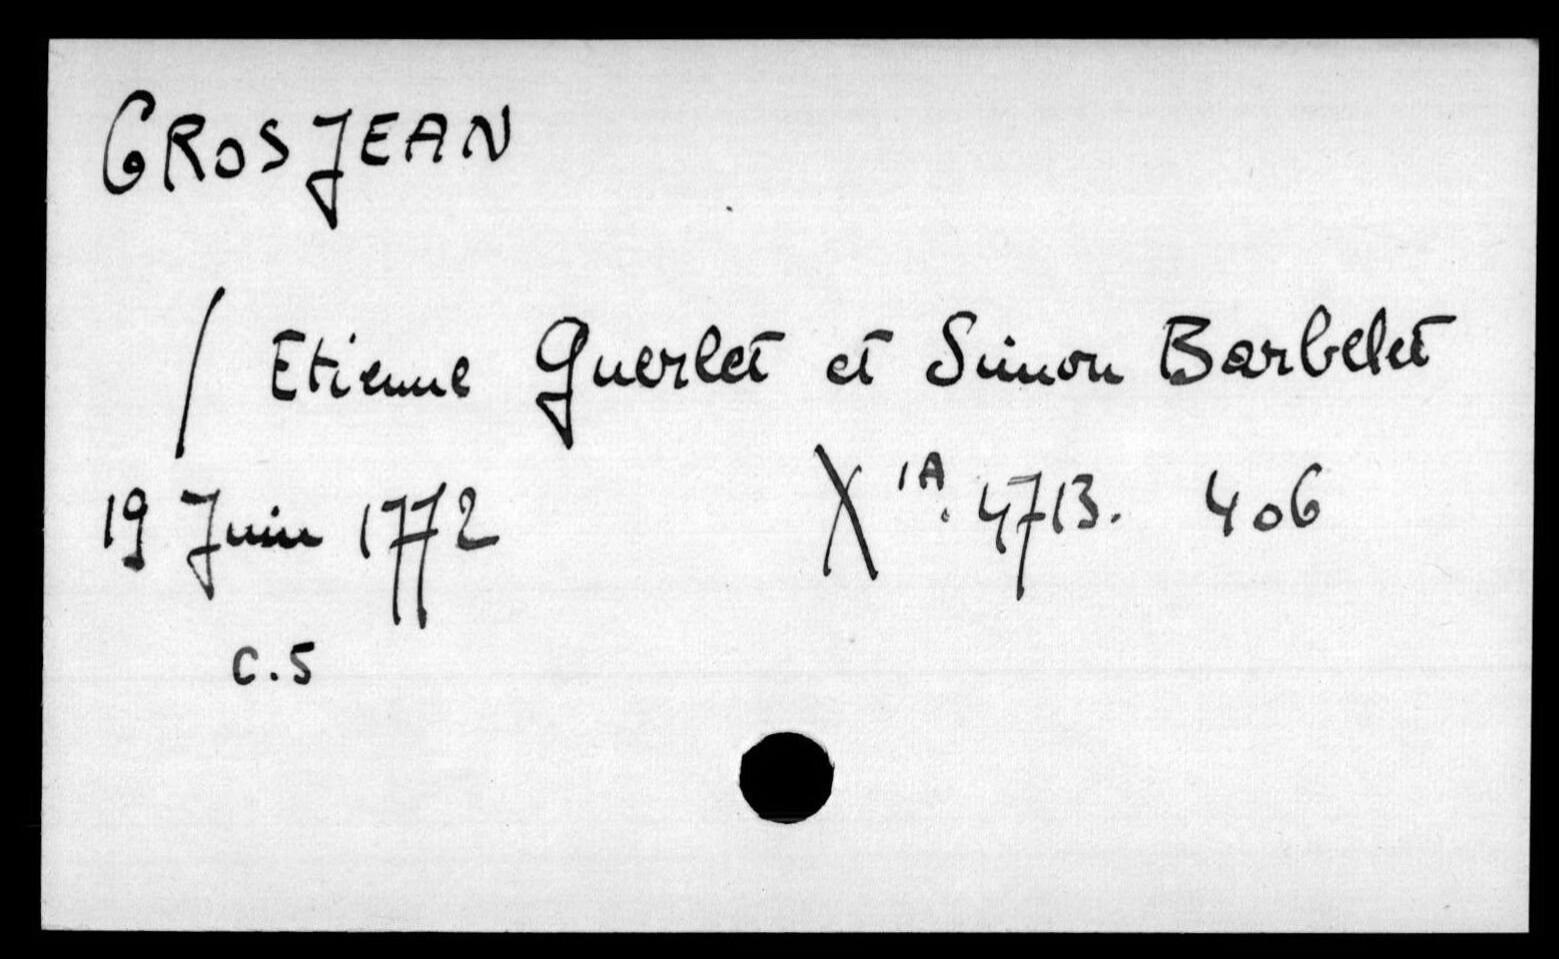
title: GROSJEAN
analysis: Contre Étienne Guerlet et Simon Barbelet
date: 19 juin 1772
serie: X1A
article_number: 4713
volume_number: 406
